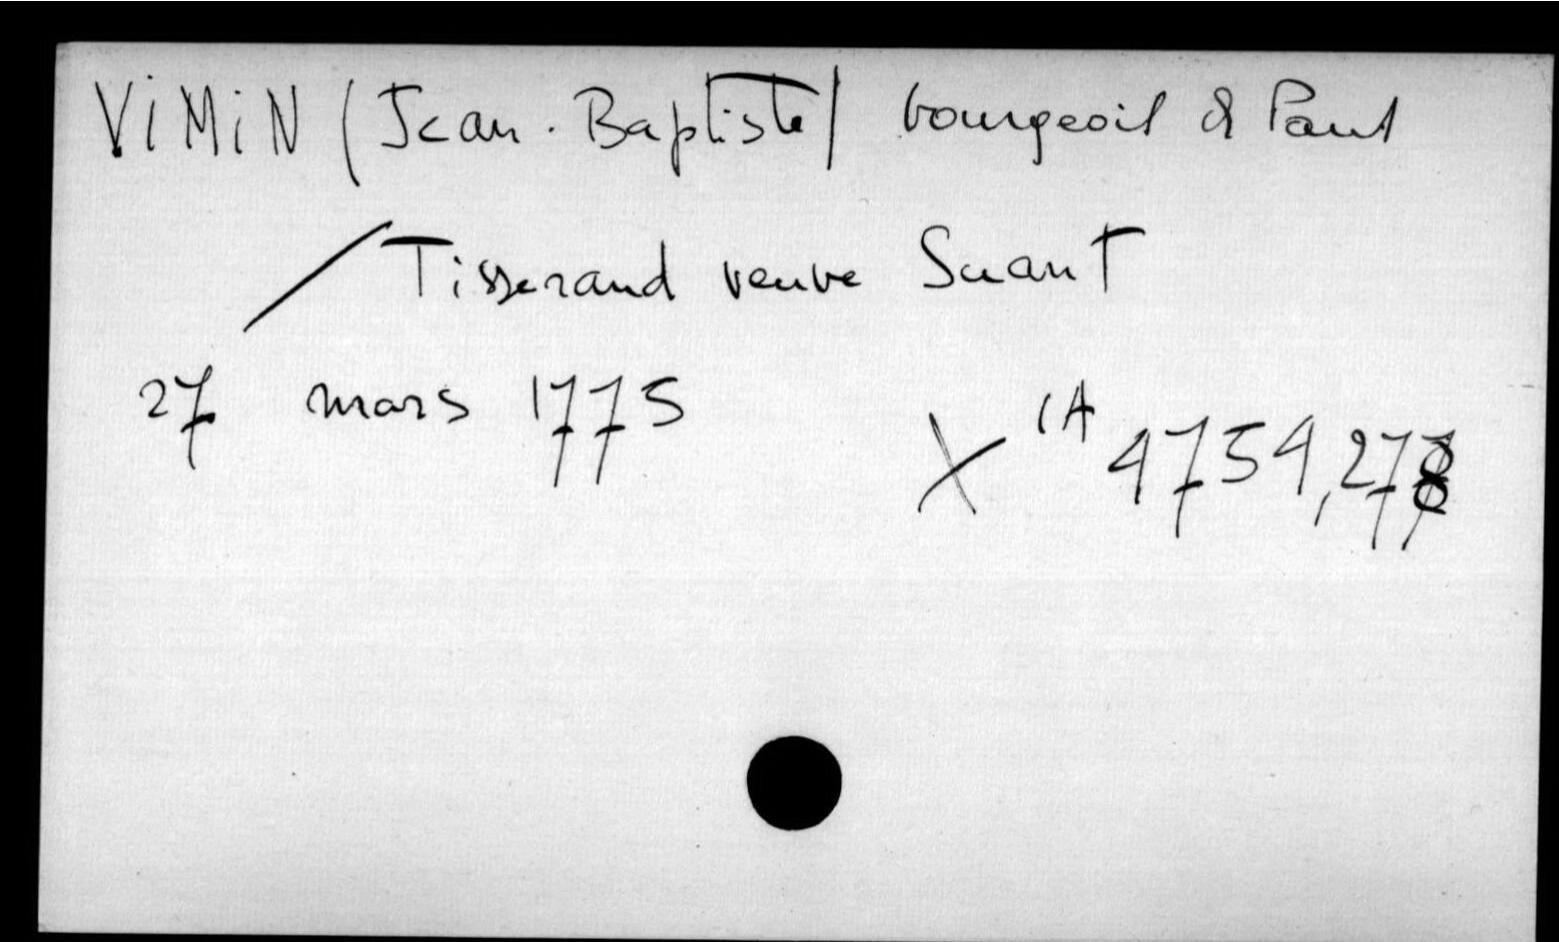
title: VIMIN (Jean-Baptiste) bourgeois de Paris
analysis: Contre Tisserand veuve Suant
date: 27 mars 1775
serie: X1A
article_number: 4754
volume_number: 278
